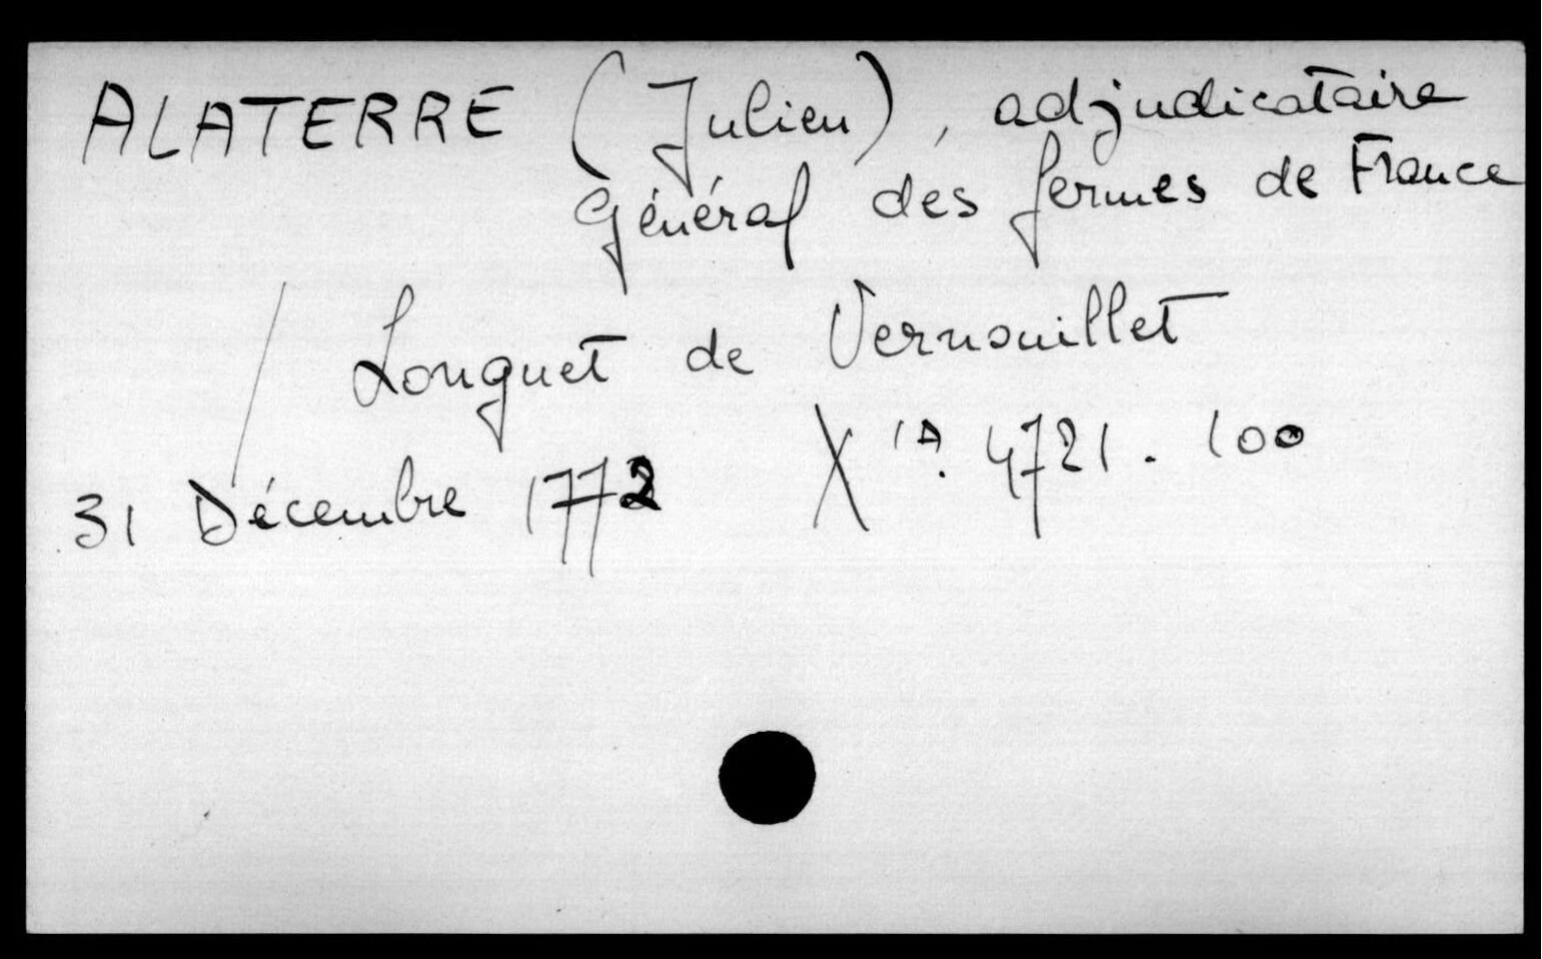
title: ALATERRE (Julien), Adjudicataire général des fermes de France
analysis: Contre Longuet de Vernouillet
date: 31 décembre 1772
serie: X1A
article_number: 4721
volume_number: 100
